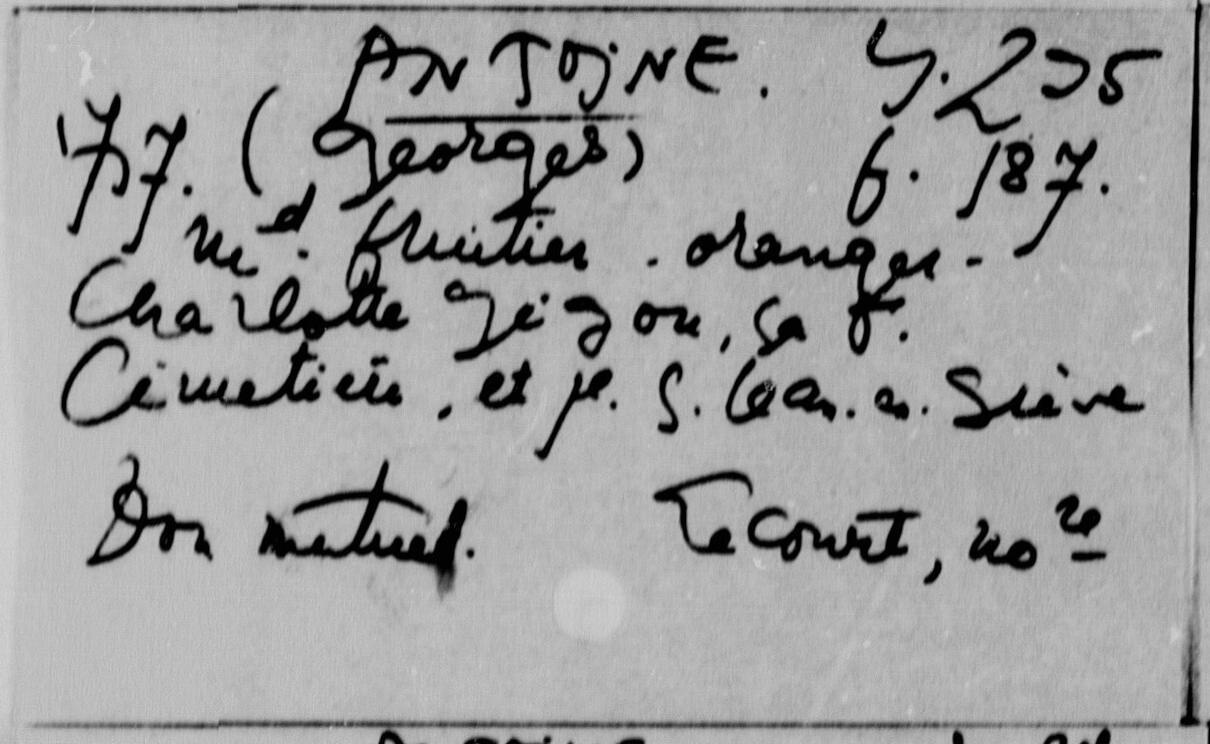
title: ANTOINE (Georges)
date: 1707
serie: Y
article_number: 295
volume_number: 187
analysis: Marchand fruitier oranger. Charlotte JEGOU, sa femme. Cimetière et paroisse Saint-Jean-en-Grève. Don mutuel. Lecourt, notaire.
